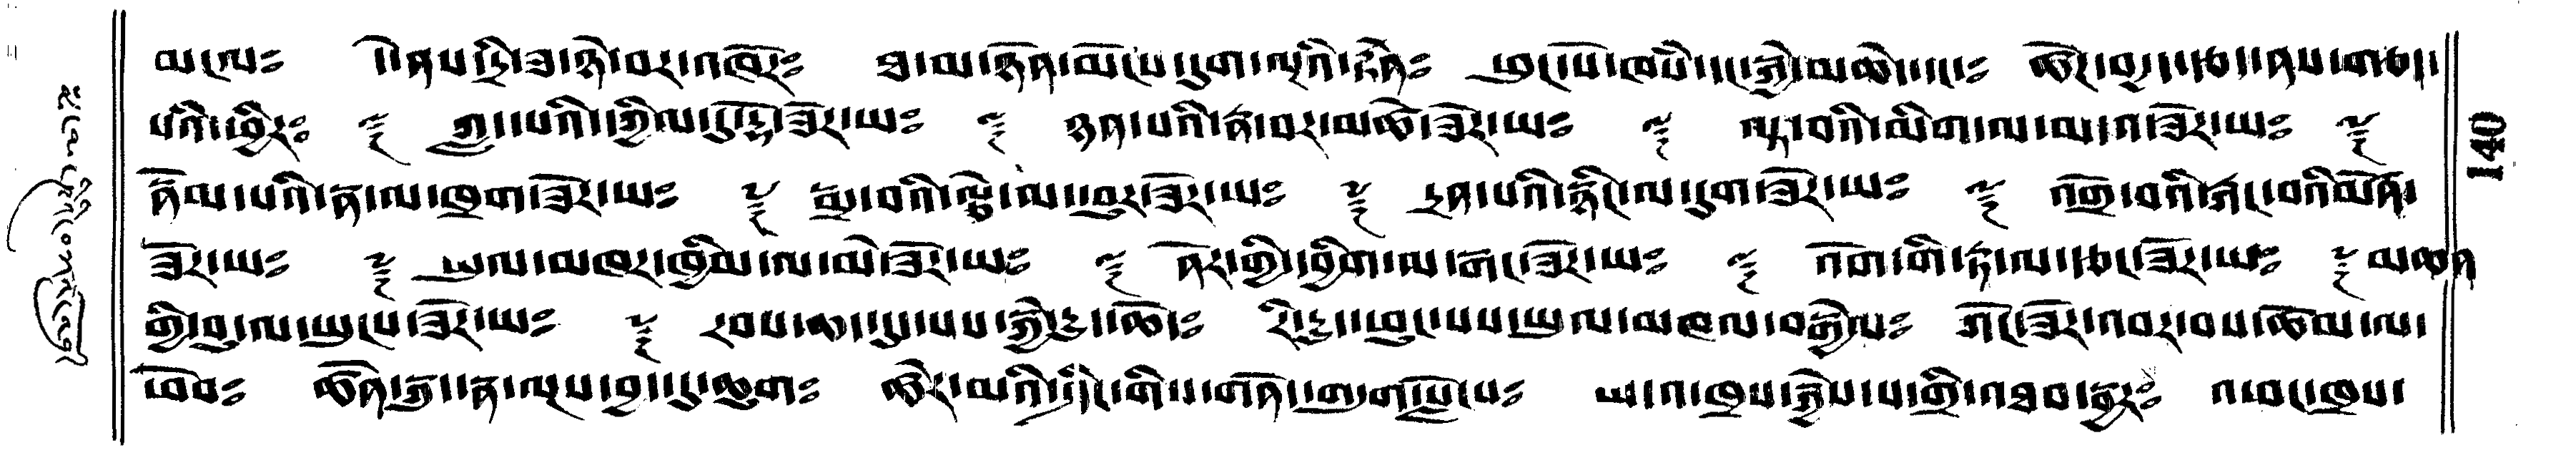མངལ༔ དེ་ནས་དྲི་ཟ་ཉེ་བར་འཁོར༔ ཐ་མ་ཉོན་མོངས་དུག་ལྔའི་རྟེན༔ ཕུང་པོ་ཁམས་དང་སྐྱེ་མཆེད་དང༔ཚོགས་བརྒྱད་རྩད་ནས་གཅོད་
པའི་ཕྱིར༔ ༈ ཀླད་པའི་དཀྱིལ་དུ་རྡོ་ཟོར་ཡ༔ ༈ ཉན་པའི་རྣ་བར་མཚེ་ཟོར་ཡ༔ ༈ ལྟ་བའི་མིག་ལ་མདའ་ཟོར་ཡ༔ ༈ 
སྣོམ་པའི་སྣ་ལ་ཁྲག་ཟོར་ཡ༔ སྨྲ་བའི་ལྕེ་ལ་ཕུར་ཟོར་ཡ༔ ༈ དྲན་པའི་སྙིང་ལ་དུག་ཟོར་ཡ༔ ༈ འགྲོ་བའི་རྐང་ལ་མཚོན་
ཟོར་ཡ༔ ༈ ཡུལ་མཁར་ཁྱིམ་ལ་མེ་ཟོར་ཡ༔ ༈ ནོར་གྱི་དབྱིག་ལ་སྒོང་ཟོར་ཡ༔ ༈ འོག་གི་རྟ་ལ་རྩང་ཟོར་ཡ༔ ༈ མཆན་
གྱི་བུ་ལ་ཡུངས་ཟོར་ཡ༔ ༈ རབས་ཆད་དུད་པས་སྐྱེ་རྒྱུད་ཆོད༔ རི་རྒྱུད་ཕུང་པས་ཡུལ་མཁར་བསྒྱེལ༔ ཀོང་ཟོར་འབར་བས་ཆོམ་ལ་
ཕོབ༔ ཚོན་སྐུད་སྣ་ལྔས་བྱད་དུ་ཆུགས༔ ཚེར་མའི་ཤིང་གིས་གནོད་གདུག་སློངས༔ མདའ་ཁྲས་སྐྱེས་པ་གྲི་འཐབ་སྦྱོར༔ འཕང་ཁྲས་